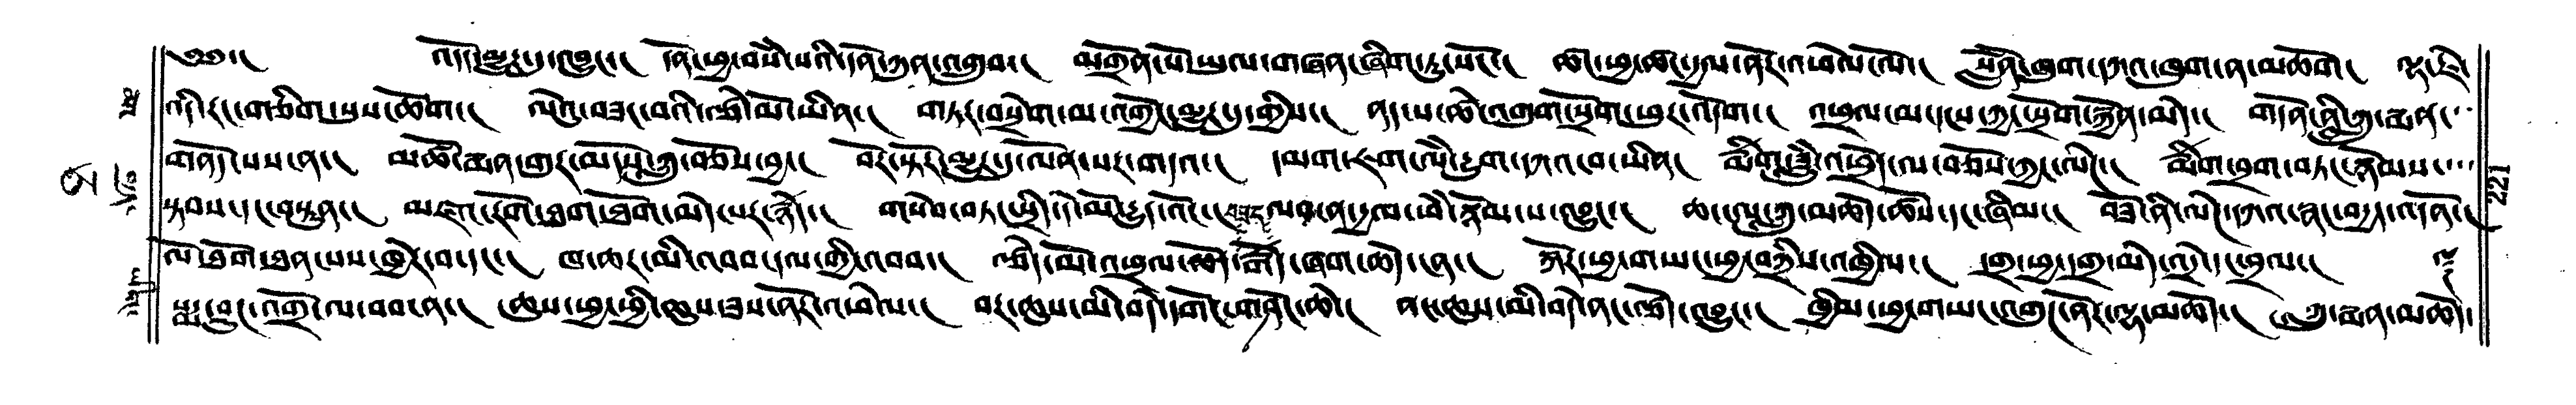འདོད་མྱུར་དུ་འབྱུང་། །དོན་ཕྱྭ་བསམ་པའི་དོན་ཀུན་འགྲུབ། །མགྲོན་པོ་ཡུལ་གཞན་ཞིག་ཏུ་སོང་། །ཚང་ཕྱྭ་ཚང་རྒྱལ་ནོར་འཕེལ་ལོ། །སློབ་དཔོན་ཁུག་དཀའ་ཁུག་ན་མཆོག །ལྷ་རྗེ་
འདི་རང་གཅིག་པུས་ཆོག །ལེའུ་བཟང་བའི་རྩེ་མོ་ཡིན། །གཏར་སྲེག་མ་འགྱང་མྱུར་དུ་གྱིས། །ནད་པ་ཚེ་འགུགས་སྲོག་ཕུར་འདོགས། །འཕྲལ་མ་དྭངས་ཀྱང་སྲོག་སྐྱོན་མེད། །གདོན་ནི་ཀླུ་སྨན་
གནོད་པས་ན། །མཚོ་སྨན་གུར་མདོས་ཀླུ་བཅོས་བྱ། །བོར་སྟོར་མྱུར་དུ་ལོན་པར་གདའ། །དམག་ཇག་ལམ་རྒྱུག་དཀའ་བ་ཡིན། །རྨིག་ཟླུམ་འཕྲོད་ལ་བཅོས་ཀྱང་ལེགས། །རྨིག་དབྲག་བཏང་སྙོམས་
སྟབས་དང་བསྟུན། །མཛའ་རོགས་ཐགས་ཐོགས་མེད་པར་རྙེད། །གསེབ་བཏང་སྲིད་དེ་མོ་རྒྱུད་འོང་། །ལབ་ན་རྒྱལ་ཕམ་སྙོམ་པ་འབྱུང་། །ཆང་ལ་ཀླུ་མཆོད་ཚོས་དང་ཞིམ། །བཟོ་ནི་ལེགས་དཀའ་སྣང་བརྒྱད་འདོན། །
ལོ་ཐོག་ཐན་པས་ཁྱེར་བ་དང་། ཁ་ཆར་མི་འབབ་དལ་གྱིས་འབབ། །རྩེད་མོ་འཕྲལ་བཟང་ཞག་ཆོད་ངན། །སྐོར་ཕྱྭ་གཡང་ཕྱྭ་བཀྲ་ཤིས་འཁྱིལ། །དགྲ་ཕྱྭ་དགྲ་མེད་འདྲེ་དང་ཕྲལ། ༈ 
།པདྨ་བྱུང་འགྲོ་ལ་བབ་ན། །ཆུས་ཕྱྭ་ཕྱི་ཆུས་ཟས་ནོར་འཕེལ། །བར་ཆུས་མི་བདེ་དགོང་གཤེགས་ཆེ། །ནང་ཆུས་མི་བདེ་ནང་རྩོད་འབྱུང་། །ཁྱིམ་ཕྱྭ་གཡང་འགུགས་ནོར་ལྷ་མཆོད། །ཀླུ་སྨན་མཆོད་